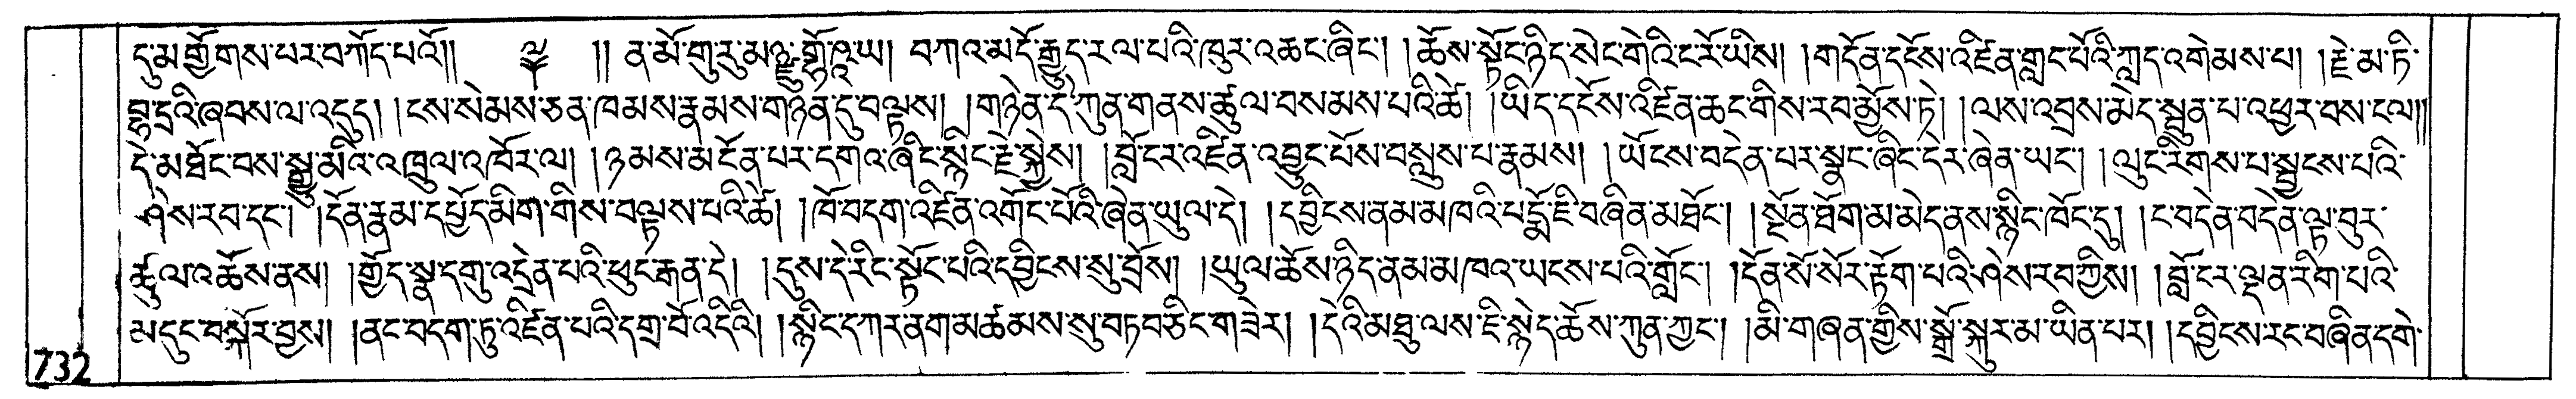དུ་མགྱོགས་པར་བཀོད་པའོ།། ༈ །།ན་མོ་གུ་རུ་མཉྫུ་གྷོ་ཥཱ་ཡ། བཀའ་མདོ་རྒྱུད་རལ་པའི་ཁུར་འཆང་ཞིང་། །ཆོས་སྟོང་ཉིད་སེང་གེའི་ང་རོ་ཡིས། །གདོན་དངོས་འཛིན་གླང་པོའི་ཀླད་འགེམས་པ། །རྗེ་མ་ཏི་
བྷ་དྲའི་ཞབས་ལ་འདུད། །ངས་སེམས་ཅན་ཁམས་རྣམས་གཉན་དུ་བལྟས། །གཉེན་དེ་ཀུན་གནས་ཚུལ་བསམས་པའི་ཚེ། །ཡིད་དངོས་འཛིན་ཆང་གིས་རབ་མྱོས་ཏེ། །ལས་འབྲས་མེད་སྦུན་པ་འཕྱར་བས་ངལ། །
དེ་མཐོང་བས་སྒྱུ་མའི་འཁྲུལ་འཁོར་ལ། །ཉམས་མངོན་པར་དགའ་ཞིང་སྙིང་རྗེ་སྐྱེས། །བློ་ངར་འཛིན་འབྱུང་པོས་བསླུས་པ་རྣམས། །ཡོངས་བདེན་པར་སྣང་ཞིང་དེར་ཞེན་ཡང་། །ལུང་རིགས་པ་སྦྱངས་པའི་
ཤེས་རབ་དང་། །དོན་རྣམ་དཔྱོད་མིག་གིས་བལྟས་པའི་ཚེ། །ཁོ་བདག་འཛིན་འགོང་པོའི་ཞེན་ཡུལ་དེ། །དབྱིངས་ནམ་མཁའི་པདམོ་ཇི་བཞིན་མཐོང་། །སྔོན་ཐོག་མ་མེད་ནས་སྙིང་ཁོང་དུ། །ང་བདེན་བདེན་ལྟ་བུར་
ཚུལ་འཆོས་ནས། །གྱོད་སྣ་དགུ་འདྲེན་པའི་ཕུང་རྒན་དེ། །དུས་དེ་རིང་སྟོང་པའི་དབྱིངས་སུ་བྲོས། །ཡུལ་ཆོས་ཉིད་ནམ་མཁའ་ཡངས་པའི་གློང་། །དོན་སོ་སོར་རྟོག་པའི་ཤེས་རབ་ཀྱིས། །བློ་ངར་ལྡན་རིག་པའི་
མདུང་བསྐོར་བྱས། །ནང་བདག་ཏུ་འཛིན་པའི་དགྲ་བོ་འདིའི། །སྙིང་དཀར་ནག་མཚམས་སུ་བཏབ་ཅིང་གཟེར། །དེའི་མཐུ་ལས་ཇི་སྙེད་ཆོས་ཀུན་ཀྱང་། །མི་གཞན་གྱིས་སྒྲོ་སྐུར་མ་ཡིན་པར། །དབྱིངས་རང་བཞིན་དགེ་